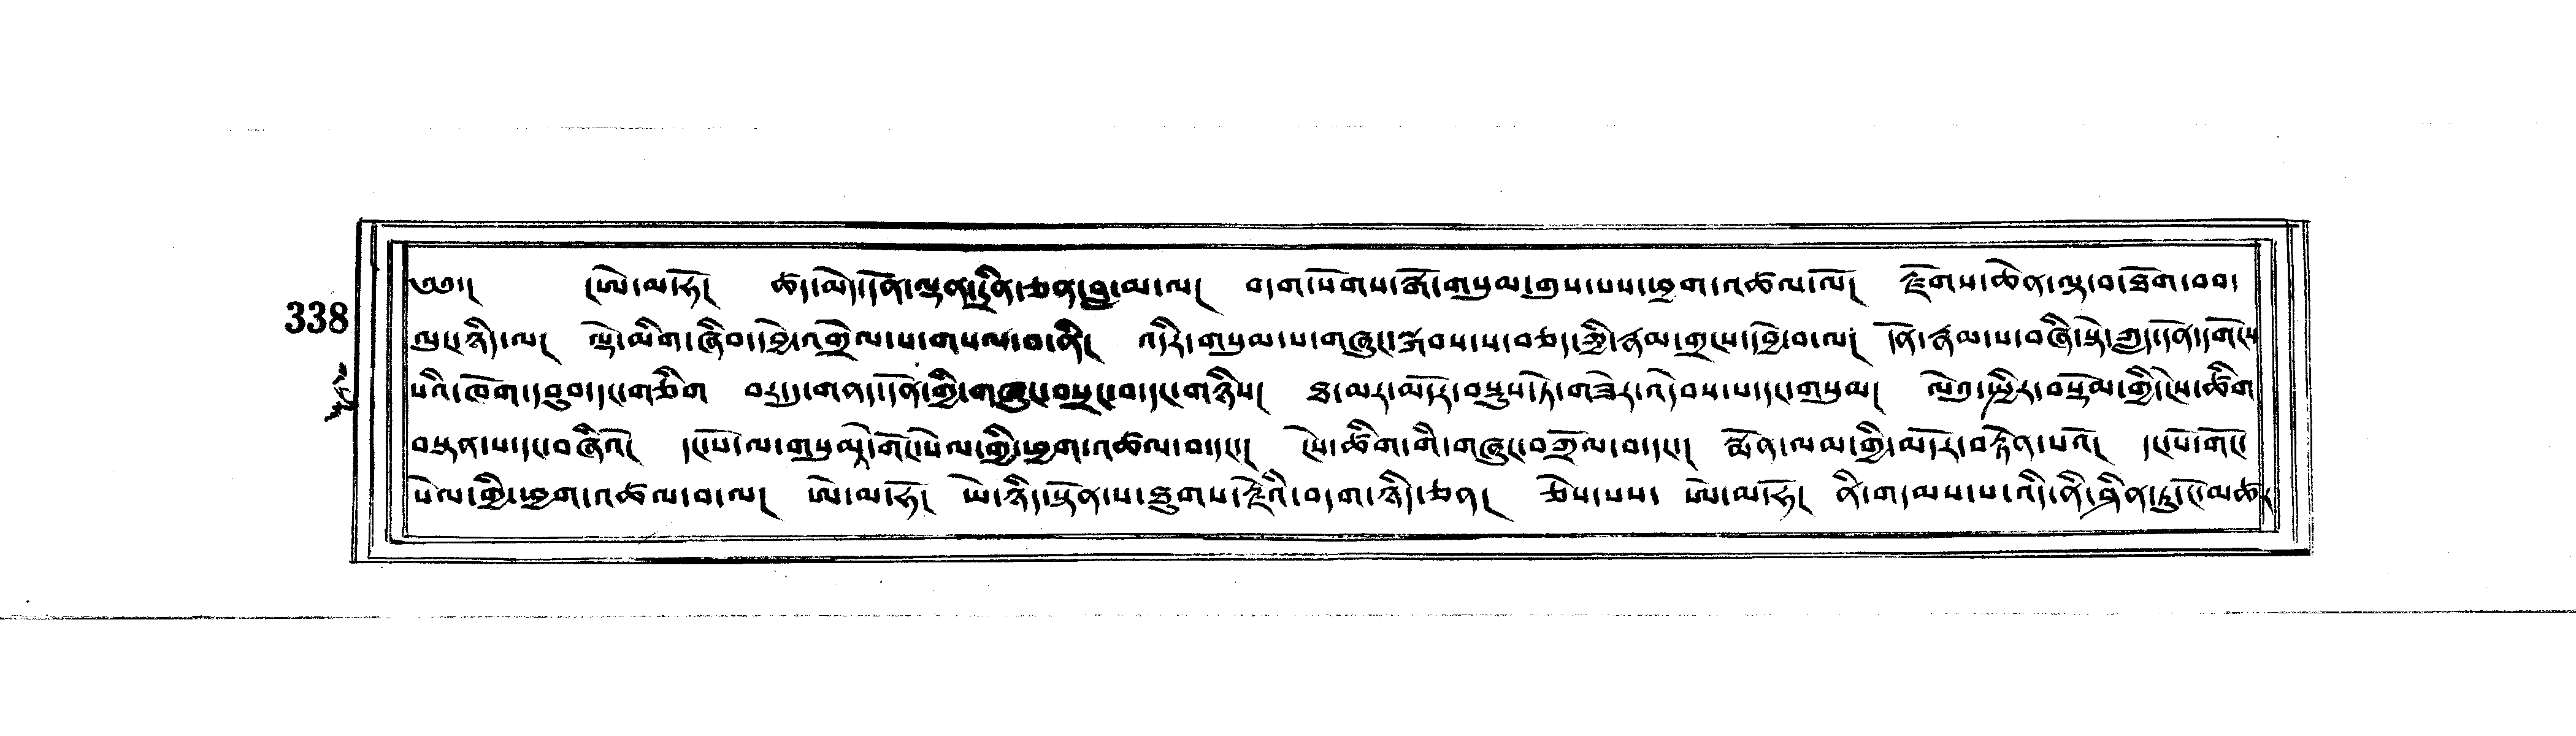༄༅།། ཨེ་མ་ཧོ། ཚད་མེད་དོན་ལྡན་དྲིན་ཆེན་བླ་མ་ལ། བདག་སོགས་སྒོ་གསུམ་གུས་པས་ཕྱག་འཚལ་ལོ། རྫོགས་ཆེན་ལྟ་བ་ཐོག་དབབ་
ལུང་འདི་ཉིད་ལ། ལྡེ་མིག་ཞིབ་དབྱེ་འགྲེལ་བ་གསལ་བ་ནི། འདིར་གསུམ་པ་གཞུང་སྐབས་ས་བཅད་ཀྱི་རྣམ་གྲངས་དབྱེ་བ་ལ། དོན་རྣམ་པ་བཞི་སྟེ། ཀླད་དོན་དགོངས་
པའི་ཁོག་དབུབས་དང་གཅིག བར་དུ་གནད་དོན་གྱི་གཞུང་བསྲང་བ་དང་གཉིས། ཐ་མར་མདོར་བསྡུས་ཏེ་གཟེར་འདེབས་པ་དང་གསུམ། ལེའུ་སྤྱི་སྡོམ་གྱི་ངེས་ཚིག་
བསྟན་པ་དང་བཞིའོ། དང་པོ་ལ་གསུམ་སྟེ། གོང་སེལ་གྱི་ཕྱག་འཚལ་བ་དང་། ངེས་ཚིག་གི་གཞུང་བཀྲོལ་བ་དང་། སྨོན་ལམ་གྱི་མདོར་བསྟན་པའོ། དང་པོ་གོང་
སེལ་གྱི་ཕྱག་འཚལ་བ་ལ། ཨེ་མ་ཧོ། ཡེ་ཉིད་སྟོན་པ་ཐུགས་རྗེའི་བདག་ཉིད་ཅན། ཅེས་པས། ཨེ་མ་ཧོ། ནི་གདམས་པ་འདི་ནི་ཤིན་ཏུ་ངོ་མཚར་